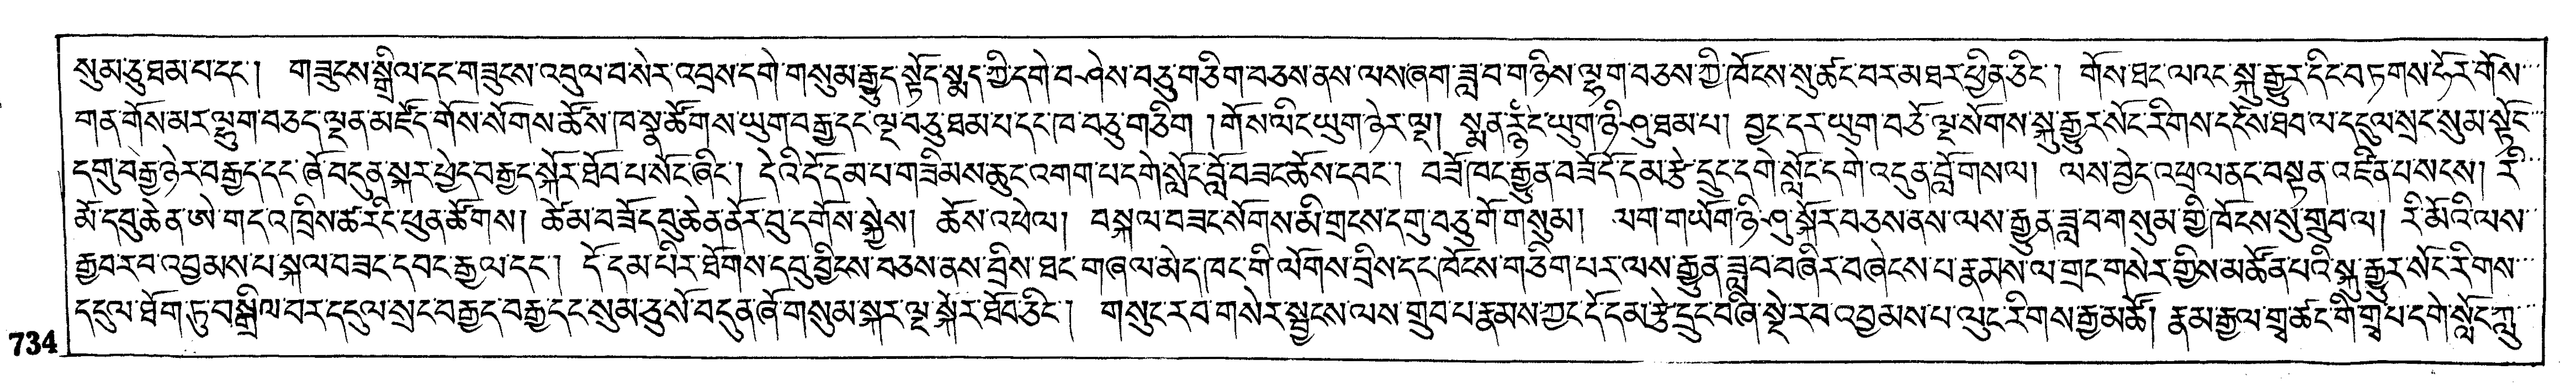སུམ་ཅུ་ཐམ་པ་དང་། གཟུངས་སྒྲིལ་དང་གཟུངས་འབུལ་བ་སེར་འབྲས་དགེ་གསུམ་རྒྱུད་སྟོད་སྨད་ཀྱི་དགེ་བཤེས་བཅུ་གཅིག་བཅས་ནས་ལས་ཞག་ཟླ་བ་གཉིས་ལྷག་བཅས་ཀྱི་ཁོངས་སུ་ཚང་བར་མཐར་ཕྱིན་ཅིང་། གོས་ཐང་ལའར་སྐུ་རྒྱུར་དིང་བཏགས་ཧོར་གོས་
གན་གོས་མང་ལྷུག་བཅད་ལྡན་མཛོད་གོས་སོགས་ཚོས་ཁ་སྣ་ཚོགས་ཡུག་བརྒྱ་དང་ལྔ་བཅུ་ཐམ་པ་དང་ཁ་བཅུ་གཅིག །གོས་ལིང་ཡུག་ཉེར་ལྔ། སྨན་རྙིང་ཡུག་ཉི་ཤུ་ཐམ་པ། བྱང་དར་ཡུག་བཅོ་ལྔ་སོགས་སྐུ་རྒྱུར་སོང་རིགས་དངོས་ཐོབ་ལ་དངུལ་སྲང་སུམ་སྟོང་
དགུ་བརྒྱ་ཉེར་བརྒྱད་དང་ཞོ་བདུན་སྐར་ཕྱེད་བརྒྱད་སྐོར་ཐོབ་པ་སོང་ཞིང་། དེའི་དོ་དམ་པ་གཟིམས་ཆུང་འགག་པ་དགེ་སློང་བློ་བཟང་ཆོས་དབང་། བཟོ་ཁང་རྒྱུན་བཟོ་དོ་དམ་རྩེ་དྲུང་དགེ་སློང་དགེ་འདུན་བློ་གསལ། ལས་བྱེད་འཕྲལ་ནང་བསྟན་འཛིན་པ་སངས། རི་
མོད་བུ་ཆེན་ཨེ་གད་འཁྲིས་ཚེ་རིང་ཕུན་ཚོགས། ཚེམ་བཟོ་དབུ་ཆེན་ནོར་བུ་དགོས་སྐྱེས། ཆོས་འཕེལ། བསྐལ་བཟང་སོགས་མི་གྲངས་དགུ་བཅུ་གོ་གསུམ། ལག་གཡོག་ཉི་ཤུ་སྐོར་བཅས་ནས་ལས་རྒྱུན་ཟླ་བ་གསུམ་གྱི་ཁོངས་སུ་གྲུབ་ལ། རི་མོའི་ལས་
རྒྱབ་རབ་འབྱམས་པ་སྐལ་བཟང་དབང་རྒྱལ་དང་། དོ་དམ་པིར་ཐོགས་དབུ་བྱིངས་བཅས་ནས་བྲིས་ཐང་གཞལ་མེད་ཁང་གི་ལོགས་བྲིས་དང་ཁོངས་གཅིག་པར་ལས་རྒྱུན་ཟླ་བ་བཞིར་བཞེངས་པ་རྣམས་ལ་གྲང་གསེར་གྱིས་མཚོན་པའི་སྐུ་རྒྱུར་སོང་རིགས་
དངུལ་ཐོག་ཏུ་བསྒྲིལ་བར་དངུལ་སྲང་བརྒྱད་པ་རྒྱ་དང་སུམ་ཅུ་སོ་བདུན་ཞོ་གསུམ་སྐར་ལྔ་སྐོར་ཐོབ་ཅིང་། གསུང་རབ་གསེར་སྦྱངས་ལས་གྲུབ་པ་རྣམས་ཀྱང་དོ་དམ་རྩེ་དྲུང་བཞི་སྡེ་རབ་འབྱམས་པ་ལུང་རིགས་རྒྱ་མཚོ། རྣམ་རྒྱལ་གྲྭ་ཚང་གི་གྲྭ་པ་དགེ་སློང་ཀླུ་